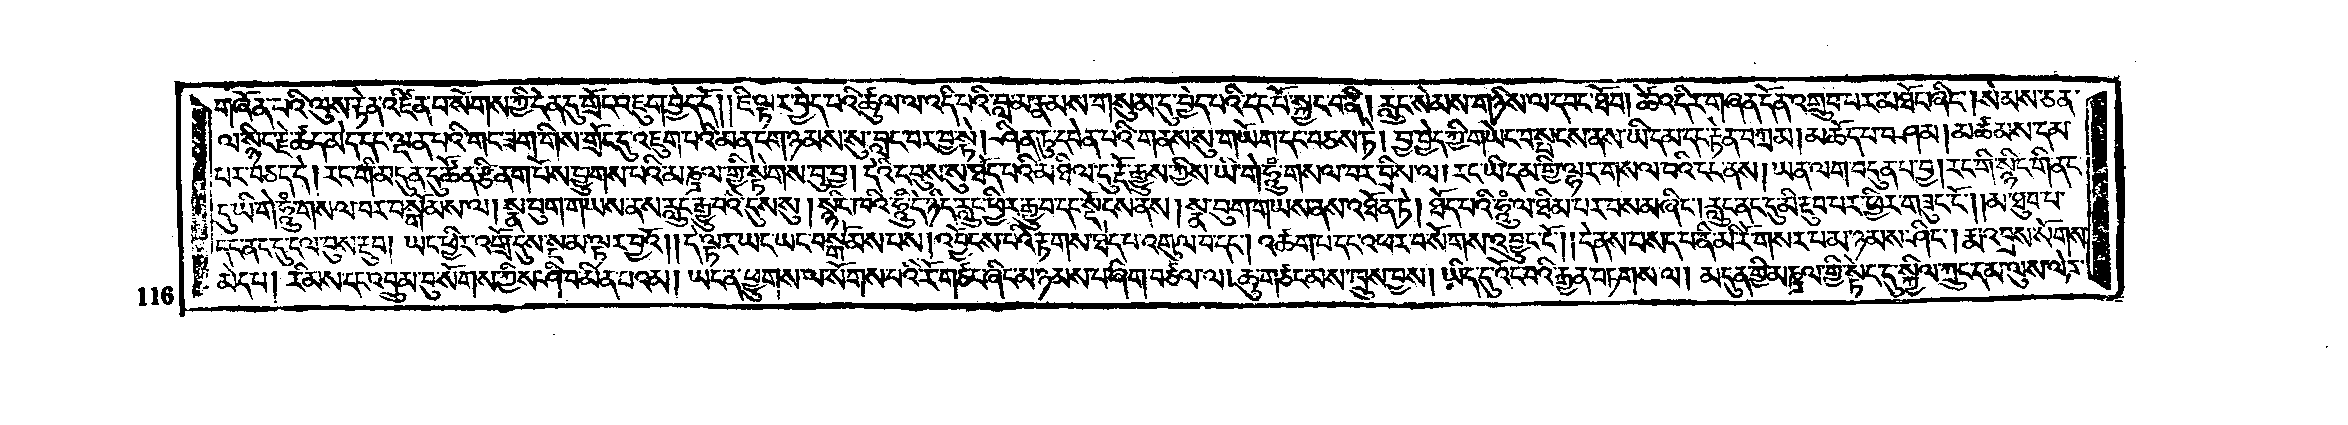གཞོན་པའི་ལུས་རྟེན་འཛིན་པ་སོགས་ཀྱི་དོན་དུ་གྲོང་འཇུག་བྱེད་དོ། །ཇི་ལྟར་བྱེད་པའི་ཚུལ་ལ་འདི་པའི་བླ་མ་རྣམས་གསུམ་དུ་བྱེད་པའི་དང་པོ་སྐྱང་བ་ནི། རླུང་སེམས་གཉིས་ལ་དབང་ཐོབ། ཚེ་འདིར་གཞན་དོན་འགྲུབ་པར་མཐོང་ཞིང་། སེམས་ཅན་
ལ་སྙིང་རྗེ་ཆད་མེད་དང་ལྡན་པའི་གང་ཟག་གིས་གྲོང་དུ་འཇུག་པའི་མན་ངག་ཉམས་སུ་བླང་བར་བྱ་སྟེ། ཤིན་ཏུ་དབེན་པའི་གནས་སུ་གཡོག་དང་བཅས་ཏེ། བྱ་བྱེད་ཀྱི་གཡེང་བ་སྤངས་ནས་ཡི་དམ་དང་རྟེན་བཀྲམ། མཆོད་པ་བཤམ། མཚམས་དམ་
པར་བཅད་དེ། རང་གི་མདུན་དུ་ཚོན་རྩི་ནག་པོས་ཕྱུགས་པའི་མཎྜལ་གྱི་སྟེགས་བུ་བྱ། དེའི་དབུས་སུ་ཐེད་པའི་མཐིལ་དུ་རྡོ་རྒྱུས་ཀྱིས་ཡི་གེ་ཧཱུཾ་གསལ་བར་བྲིས་ལ། རང་ཡི་དམ་གྱི་ལྷར་གསལ་བའི་ངང་ནས། ཡན་ལག་བདུན་པ་བྱ། རང་གི་སྙིང་གི་ནང་
དུ་ཡི་གེ་ཧཱུཾ་གསལ་བར་བསྒོམས་ལ། སྣ་བུག་གཡས་ནས་རླུང་རྒྱུ་བའི་དུས་སུ། སྙིང་ཁའི་ཧཱུཾ་དེ་ཉིད་རླུང་ཕྱིར་རྒྱུ་བ་དང་སྡོངས་ནས། སྣ་བག་གཡས་ནས་འཐོན་ཏེ། ཐེད་པའི་ཧཱུཾ་ལ་ཐིམ་པར་བསམ་ཞིང་། རླུང་ནང་དུ་མི་རྔུབ་པར་ཕྱིར་གཟུང་ངོ། །མ་ཐུབ་པ་
དང་ནང་དུ་དལ་བུས་རྔུབ། ཡང་ཕྱིར་འགྲོ་དུས་སྔ་མ་ལྟར་བྱའོ། །དེ་ལྟར་ཡང་ཡང་བསྒོམས་པས། འབྱོངས་པའི་རྟགས་ཐེད་པ་འགུལ་བ་དང་། འཚག་པ་དང་འཕར་བ་སོགས་འབྱུང་ངོ། །དེ་ནས་བསད་པ་ནི་མི་རོ་གསར་པ་མ་ཉམས་ཤིང་། རྨ་འབྲས་སོགས་
མེད་པ། རིམས་དང་འབྲུམ་བུ་སོགས་ཀྱིས་ཤི་བ་མིན་པའམ། ཡང་ན་ཕྱུགས་ལ་སོགས་པའི་རོ་གཙང་ཞིང་མ་ཉམས་པ་ཞིག་བཙལ་ལ། ཆུ་གཙང་མས་ཁྲུས་བྱས། ཡིད་དུ་འོང་བའི་རྒྱན་བཏགས་ལ། མདུན་གྱི་མཎྜལ་གྱི་སྟེང་དུ་སྐྱིལ་ཀྲུང་དམ་ལུས་ལེགས་